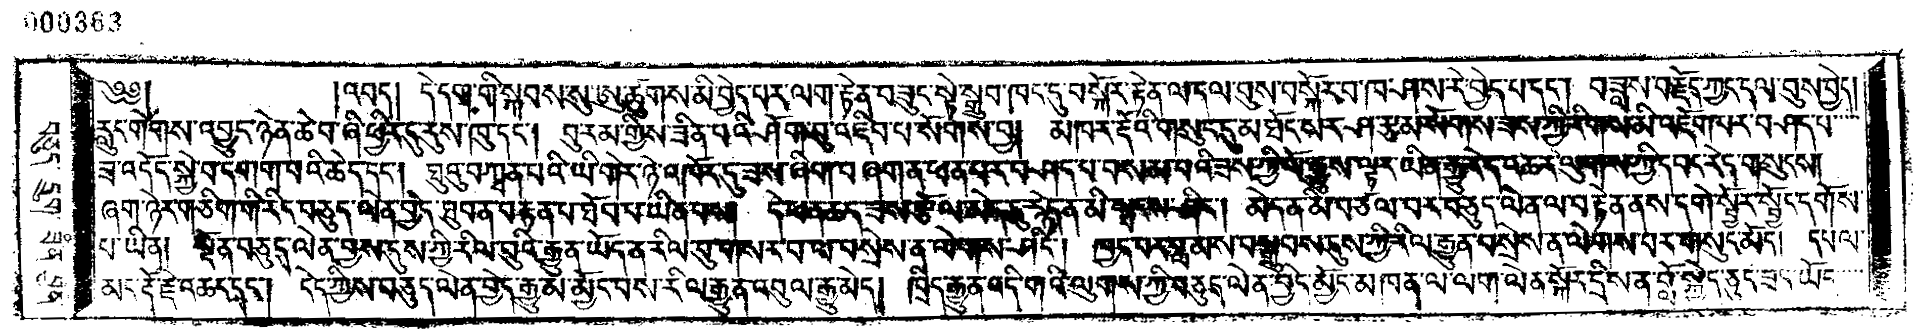༄༅། །འབད། དེ་དག་གི་སྐབས་སུ་ཨུ་ཚུགས་མི་བྱེད་པར་ལག་རྟེན་བཟུང་སྟེ་སྒྲུབ་ཁང་དུ་བསྐོར་རྟེན་ལ་དལ་བུས་བསྐོར་བ་ཁ་ཤས་རེ་བྱེད་པ་དང་། བཟླས་བརྗོད་ཀྱང་དལ་བུས་བྱེད།
རླུང་གེགས་འབྱུང་ཉེན་ཆེ་བ་ཞི་ཕྱིར་དུ་རུས་ཁུ་དང་། བུ་རམ་གྱིས་ཟིན་པའི་ཤོག་བུ་འཇི་བ་པ་སོགས་བྱ། མཁར་རྡོའི་གསུང་དུ་མཐོང་སར་ཤ་རྩམ་སོགས་ཟས་ཀྱི་རིགས་མི་འཇོག་པར་བཤད་པ་
ཟ་འདོད་སྐྱེ་བ་དགག་པའི་ཆེད་དང་། ཐུའུ་བཀྭན་པའི་ཡི་གེར་ཉེ་འཁོར་དུ་ཟས་ཞིག་བཞག་ན་ཕན་པར་བཤད་པ་བསམ་པའི་ཟས་ཀྱི་ལོ་རྒྱུས་ལྟར་ཡིན་རྒྱུ་རེད་འཆར་ལུགས་ཀྱི་དབང་རེད་གསུངས།
ཞག་ཉེར་གཅིག་གི་རིང་བཅུད་ལེན་བྱེད་ཐུབ་ན་བརྟན་པ་ཐོབ་པ་ཡིན་པས། དེ་ཕན་ཆད་ཟས་རྩོལ་མེད་དུ་རྙེད་ན་མི་སྤངས་ཤིང་། མེད་ན་མི་བཙལ་བར་བཅུད་ལེན་ལ་བརྟེན་ནས་དགེ་སྦྱོར་སྦྱོང་དགོས་
པ་ཡིན། སྔོན་བཅུད་ལེན་བྱས་དུས་ཀྱི་རིལ་བུའི་རྒྱུན་ཡོད་ན་རིལ་བུ་གསར་བ་ལ་བསྲེས་ན་ལེགས་ཤིང་། ཁྱད་པར་བླ་མས་བསྒྲུབས་དུས་ཀྱི་རིལ་རྒྱུན་བསྲེས་ན་ལེགས་པར་གསུང་མོད། དཔལ་
མང་རྡོ་རྗེ་འཆང་དང་། ངེད་ཀྱིས་བཅུད་ལེན་བྱེད་རྒྱུ་མ་མྱོང་བས་རིལ་རྒྱུན་འབུལ་རྒྱུ་མེད། ཁྲིད་རྒྱུན་འདི་གའི་ལུགས་ཀྱི་བཅུད་ལེན་བྱེད་མྱོང་མཁན་ལ་ལག་ལེན་སྐོར་དྲིས་ན་བློ་སྐྱེད་ཅུང་ཟད་ཡོད་